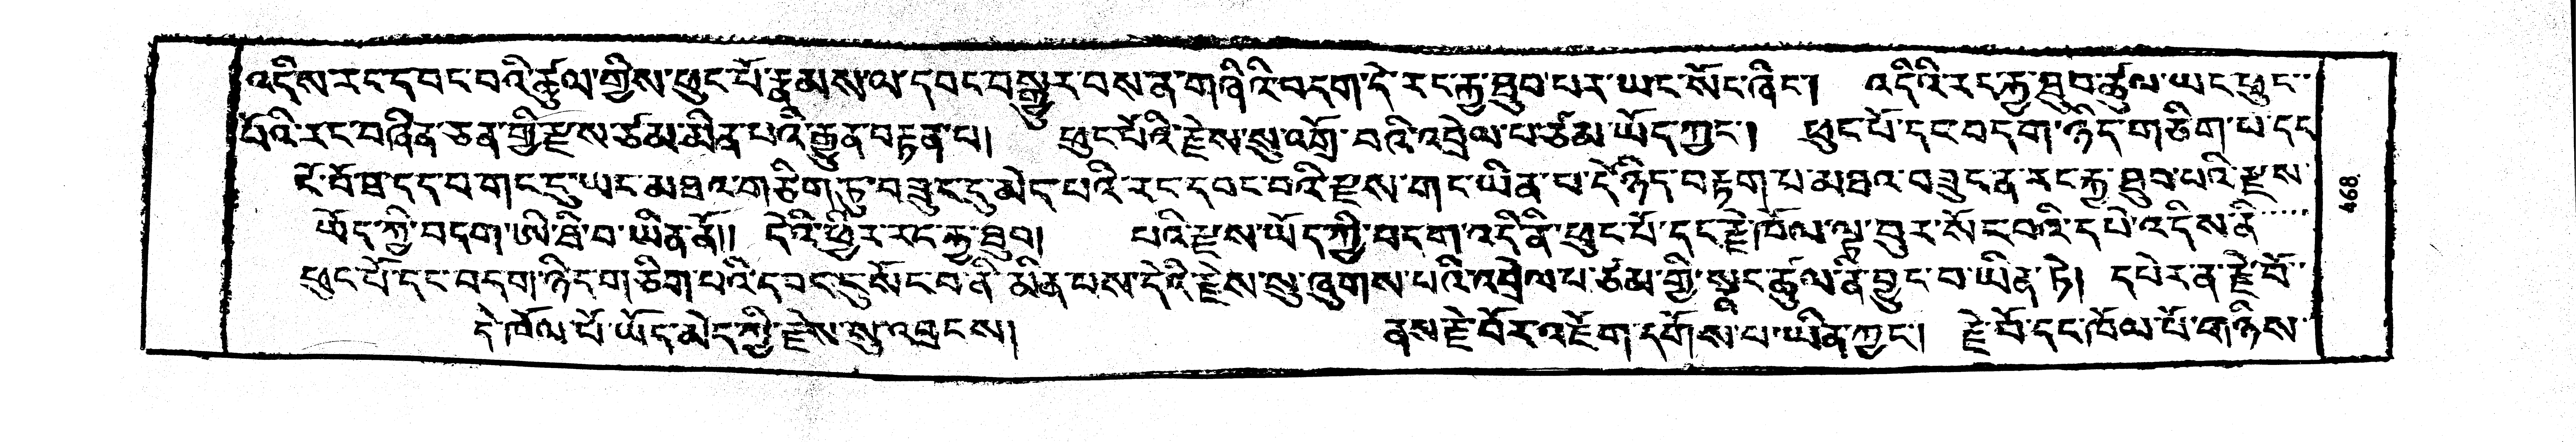འདིས་རང་དབང་བའི་ཚུལ་གྱིས་ཕུང་པོ་རྣམས་ལ་དབང་བསྒྱུར་བས་ན་གཞིའི་བདག་དེ་རང་རྐྱ་ཐུབ་པར་ཡང་སོང་ཞིང་། འདིའི་རང་རྐྱ་ཐུབ་ཚུལ་ཡང་ཕུང་
པོའི་རང་བཞིན་ཅན་གྱི་རྫས་ཙམ་མིན་པའི་རྒྱུན་བརྟན་པ། ཕུང་པོའི་རྗེས་སུ་འགྲོ་བའི་འབྲེལ་བ་ཙམ་ཡོད་ཀྱང་། ཕུང་པོ་དང་བདག་ཉིད་གཅིག་པ་དང་
ངོ་བོ་ཐ་དད་པ་གང་དུ་ཡང་མཐའ་གཅིག་ཏུ་བཟུང་དུ་མེད་པའི་རང་དབང་བའི་རྫས་གང་ཡིན་པ་དེ་ཉིད་བརྟག་པ་མཐའ་བཟུང་ན་རང་རྐྱ་ཐུབ་པའི་རྫས་
ཡོད་ཀྱི་བདག་ཨི་ཐི་བ་ཡིན་ནོ། །དེའི་ཕྱིར་རང་རྐྱ་ཐུབ་པའི་རྫས་ཡོད་ཀྱི་བདག་འདི་ནི་ཕུང་པོ་དང་རྗེ་ཁོལ་ལྟ་བུར་སོང་བའི་དཔེ་འདིས་ནི་
ཕུང་པོ་དང་བདག་ཉིད་གཅིག་པའི་དབང་དུ་སོང་བ་ནི་མིན་པས་དེའི་རྗེས་སུ་ཞུགས་པའི་འབྲེལ་པ་ཙམ་གྱི་སྣང་ཚུལ་ནི་བྱུང་བ་ཡིན་ཏེ། དཔེར་ན་རྗེ་བོ་
དེ་ཁོལ་པོ་ཡོད་མེད་ཀྱི་རྗེས་སུ་འབྲངས། ནས་རྗེ་བོར་འཇོག་དགོས་པ་ཡིན་ཀྱང་། རྗེ་བོ་དང་ཁོལ་པོ་གཉིས་